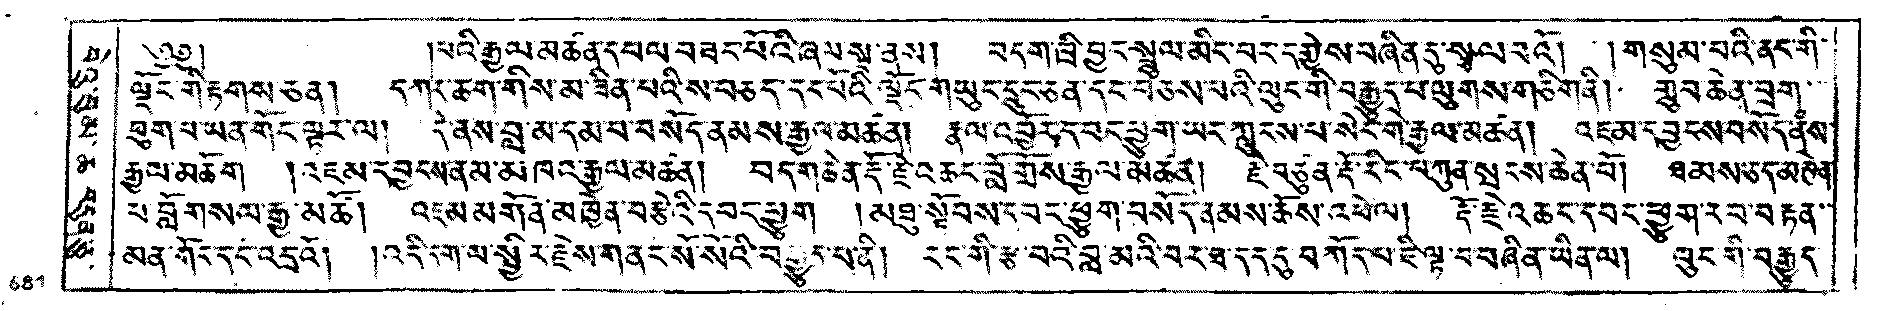༄༅། །པའི་རྒྱལ་མཚན་དཔལ་བཟང་པོའི་ཞལ་སྔ་ནས། བདག་ཁྲི་བྱང་སྤྲུལ་མིང་པར་དགྱེས་བཞིན་དུ་སྩལ་བའོ། །གསུམ་པའི་ནང་གི་
ལྡོང་གི་རྟགས་ཅན། དཀར་ཆག་གིས་མ་ཟིན་པའི་ས་བཅད་དང་པོའི་ལྡོང་གཡུང་དྲུང་ཅན་དང་བཅས་པའི་ལུང་གི་བརྒྱུད་པ་ལུགས་གཅིག་ནི། གྲུབ་ཆེན་བྲག་
ཕུག་པ་ཡན་གོང་ལྟར་ལ། དེ་ནས་བླ་མ་དམ་པ་བསོད་ནམས་རྒྱལ་མཚན། རྣལ་འབྱོར་དབང་ཕྱུག་ཡར་ཀླུངས་པ་སེང་གེ་རྒྱལ་མཚན། འཇམ་དབྱངས་བསོད་ནམས་
རྒྱལ་མཆོག །འཇམ་དབྱངས་ནམ་མཁའ་རྒྱལ་མཚན། བདག་ཆེན་རྡོ་རྗེ་འཆང་བློ་གྲོས་རྒྱལ་མཚན། རྗེ་བཙུན་རྡོ་རིང་པ་ཀུན་སྤངས་ཆེན་པོ། ཐམས་ཅད་མཁྱེན་
པ་བློ་གསལ་རྒྱ་མཚོ། འཇམ་མགོན་མཁྱེན་བརྩེའི་དབང་ཕྱུག །མཐུ་སྟོབས་དབང་ཕྱུག་བསོད་ནམས་ཆོས་འཕེལ། རྡོ་རྗེ་འཆང་དབང་ཕྱུག་རབ་བརྟན་
མན་གོང་དང་འདྲའོ། །འདི་དག་ལ་སྤྱིར་རྗེས་གནང་སོ་སོའི་བརྒྱུད་པ་ནི། རང་གི་རྩ་བའི་བླ་མའི་བར་ཐ་དད་དུ་བཀོད་པ་ཇི་ལྟ་བ་བཞིན་ཡིན་ལ། ལུང་གི་བརྒྱུད་